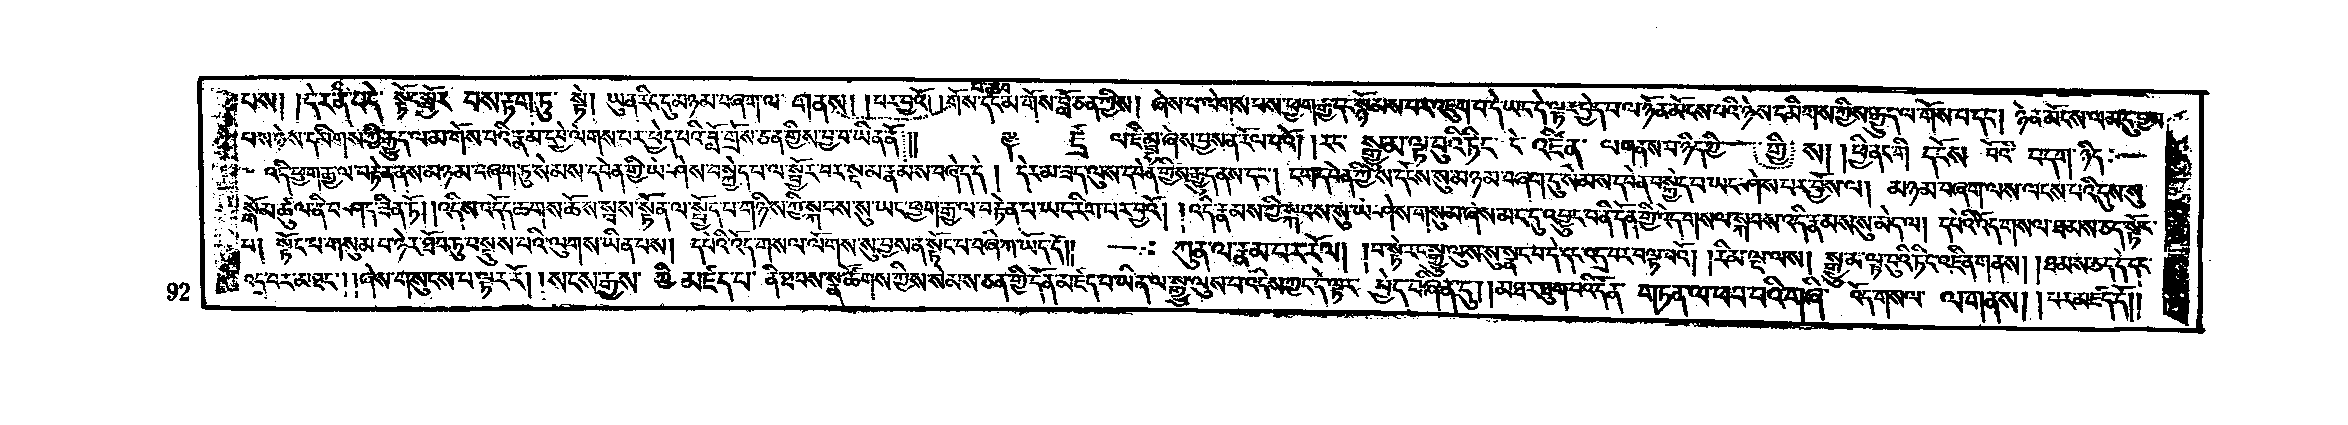པས། །༢་དེར་ནི་བདེ་སྟོང་སྦྱོར་བས་རྟག་ཏུ་སྟེ། ཡུན་རིང་དུ་མཉམ་བཞག་ལ་གནས། །པར་བྱའོ། །གོས་པ་ཚབ་དང་མ་གོས་བློ་ཅན་གྱིས། ཞེས་པ་ལེགས་པས་ཕྱག་རྒྱ་དང་སྙོམས་པར་འཇུག་པ་དེ་ཡང་དེ་ལྟར་བྱེད་པ་ལ་ཉོན་མོངས་པའི་ཉེས་དམིགས་ཀྱིས་རྒྱུད་ལ་གོས་པ་དང་། ཉོན་མོངས་ལམ་དུ་བྱས་
པས་ཉེས་དམིགས་ཀྱི་རྒྱུད་ལ་མ་གོས་པའི་རྣམ་དབྱེ་ལེགས་པར་ཕྱེད་པའི་བློ་གྲོས་ཅན་གྱིས་བྱ་བ་ཡིན་ནོ།། ༈ ཛྲ་ལ་ཛིམྦྷ་ཞེས་བྱས་ན་རོལ་པའོ། །རང་སྒྱུ་མ་ལྟ་བུའི་ཏིང་ངེ་འཛིན་ལ་གནས་པ་ཉིད་ཀྱི་གྱི་ས། །ཕྱི་ནང་གི་དངོས་པོའི་བདག་ཉིདཿ
༧འདི་ཕྱག་རྒྱ་ལ་བརྟེན་ནས་མཉམ་བཞག་ཏུ་སེམས་དབེན་གྱི་ཡེ་ཤེས་བསྐྱེད་པ་ལ་སྦྱོར་བར་སྔ་མ་རྣམས་བཞེད་དེ། དེར་མ་ཟད་ལུས་དབེན་གྱིས་རྒྱུད་ནས་དང་། ངག་དབེན་གྱིས་དངོས་སུ་མཉམ་བཞག་དུ་སེམས་དབེན་བསྐྱེད་པ་ཡང་ཤེས་པར་བྱོས་ལ། མཉམ་བཞག་ལས་ལངས་པའི་དུས་སུ་
སྒོམ་ཚུལ་ནི་བཤད་ཟིན་ཏོ། །འདིས་འདོད་ཆགས་ཆོས་སྦས་སྟོན་ལ་སྤྱོད་པ་གཉིས་ཀྱི་སྐབས་སུ་ཡང་ཕྱག་རྒྱ་ལ་བརྟེན་པ་ཡང་རིག་པར་བྱའོ། །འདི་རྣམས་ཀྱི་སྐབས་སུ་ཡེ་ཤེས་གསུམ་ཞེས་མང་དུ་འབྱུང་བ་ནི་དོན་གྱི་འོད་གསལ་སྐབས་འདི་རྣམས་སུ་མེད་ལ། དཔེའི་འོད་གསལ་ཐམས་ཅད་སྟོང་
པ། སྟོང་པ་གསུམ་པ་ཉེར་ཐོབ་ཏུ་བསྡུས་པའི་ལུགས་ཡིན་པས། དཔེའི་འོད་གསལ་ལོགས་སུ་བྱས་ན་སྟོང་པ་བཞི་ཀ་ཡོད་དེ།། .H ཀུན་ལ་རྣམ་པར་རོལ། །བ་སྟེ་རང་སྒྱུ་ལུས་སུ་སྣང་བ་དེ་དང་འདྲ་བར་བལྟ་བའོ། །རིམ་ལྔ་ལས། སྒྱུ་མ་ལྟ་བུའི་ཏིང་འཛིན་གནས། །ཐམས་ཅད་དེ་དང་
འདྲ་བར་མཐོང་། །ཞེས་གསུངས་པ་ལྟར་རོ། །སངས་རྒྱས་ཀྱི་མཛད་པ་ནི་ཐབས་སྣ་ཚོགས་ཀྱིས་སེམས་ཅན་གྱི་དོན་མཛད་པ་ཡིན་༧་ལ་སྒྱུ་ལུས་པ་འདིས་ཀྱང་དེ་ལྟར་བྱེད་བཞིན་དུ། ། མཐར་ཐུག་པའི་དོན་གཏན་ལ་ཕབ་པའི་གཞི་འོད་གསལ་ལ་གནས། །པར་མཛད་དོ། །